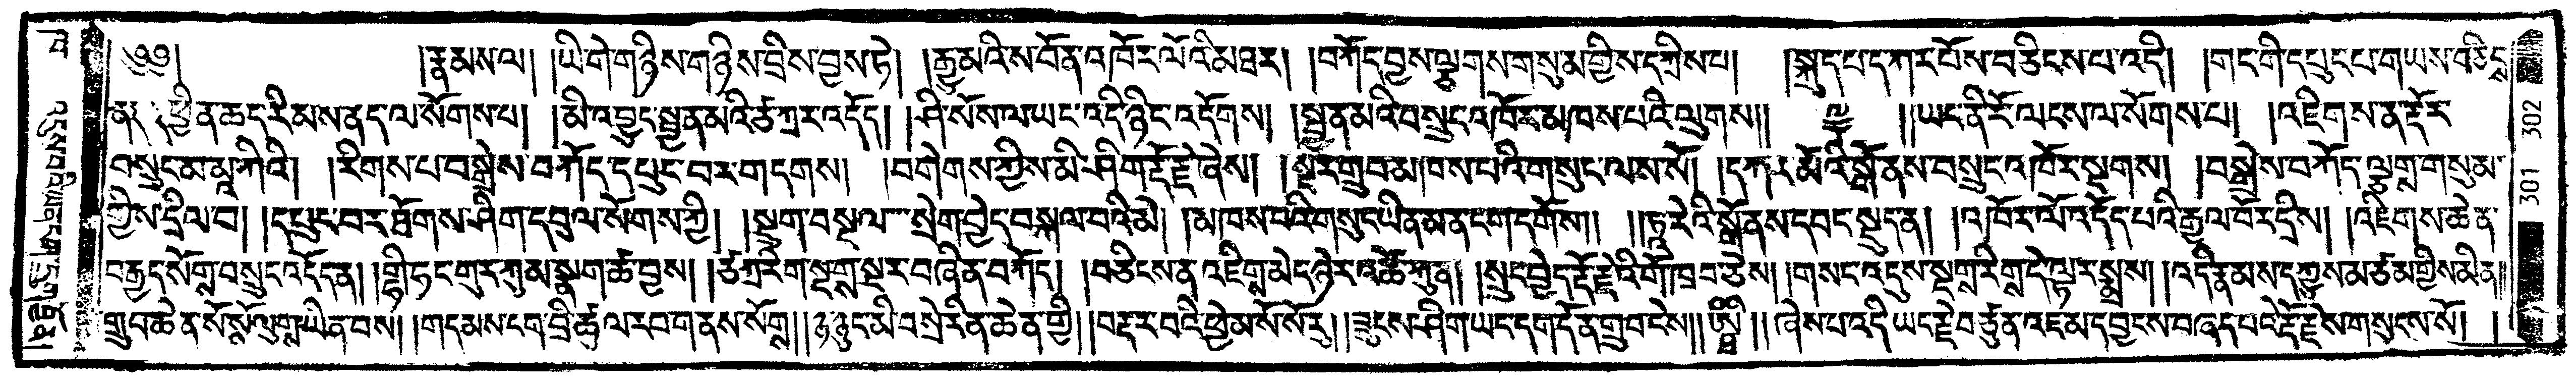༄༅། །རྣམས་ལ། །ཡི་གེ་གཉིས་གཉིས་བྲིས་བྱས་ཏེ། །རྒྱུ་མའི་ས་བོན་འཁོར་ལོའི་མཐར། །བཀོད་བྱས་ལྕགས་གསུམ་གྱིས་དཀྲིས་པ། །སྐུད་པ་དཀར་པོས་བཅིངས་པ་འདི། །གང་གི་དཔུང་པ་གཡས་བཅིངས་
ན༑ ༑ཕྱིན་ཆད་རིམས་ནད་ལ་སོགས་པ། །མི་འབྱུང་སྤྱན་མའི་ཙ་ཀྲར་འདོད། །ཤི་སོས་ལ་ཡང་འདི་ཉིད་འདོགས། །སྤྱན་མའི་བསྲུང་འཁོར་མཁས་པའི་ལུགས།། ༈ །།ཡང་ནི་རོ་ལངས་ལ་སོགས་པ། །འཇིགས་ན་རྡོར་
བསྲུང་མ་མཱ་ཀིའི། །རིགས་པ་བསྒྲེས་བཀོད་དཔུང་བར་གདགས། །བགེགས་ཀྱིས་མི་ཤིག་རྡོ་རྗེ་ཞེས། །སྔར་གྲུབ་མཁས་པའི་གསུང་ལས་སོ། །དཀར་མོའི་སྒོ་ནས་བསྲུང་འཁོར་སྔགས། །བསྒྲེས་བཀོད་ལྕགས་གསུམ་
གྱིས་དྲིལ་བ། །དཔུང་བར་ཐོགས་ཤིག་དབུལ་སོགས་ཀྱི། །སྡུག་བསྔལ་སྲེག་བྱེད་བསྐལ་བའི་མེ། །མཁས་བའི་གསུང་ཡིན་མན་ངག་དགོས།། །།ཏཱ་རེའི་སྒོ་ནས་དབང་སྡུད་ན། །འཁོར་ལོ་འདོད་པའི་རྒྱལ་བོར་དྲིས། །འཇིགས་ཆེན་
བརྒྱད་སོགས་བསྲུང་འདོད་ན། །གྷི་ཧང་གུར་ཀུམ་སྣག་ཚ་བྱས། །ཙཀྲ་རིག་སྔགས་སྔར་བཞིན་བཀོད། །བཅིངས་ན་འཇིགས་མེད་ཉེར་འཚེ་ཀུན། །སྲུང་བྱེད་རྡོ་རྗེའི་གོ་ཁྲབ་ཅེས། །གསང་འདུས་སྔགས་རིགས་དེ་ལྟར་སྨྲས། །འདི་རྣམས་དཀྱུས་མ་ཙམ་གྱིས་མིན།།
གྲུབ་ཆེན་སོ་སོས་ལུགས་ཡིན་པས། །གདམས་ངག་བྲི་ཚུལ་རབ་གནས་སོགས། །ཉ་ཉུང་མི་བསྲེ་རིན་ཆེན་གྱི། །བརྡར་བའི་ཕྱེ་མ་སོ་སོ་རུ། །ཟུངས་ཤིག་ཡང་དག་དོན་གྲུབ་ངེས།། ཨྀཐི་།།ཞེས་པ་འདི་ཡང་རྗེ་བཙུན་འཇམ་དབྱངས་བཞད་པའི་རྡོ་རྗེས་གསུངས་སོ། །